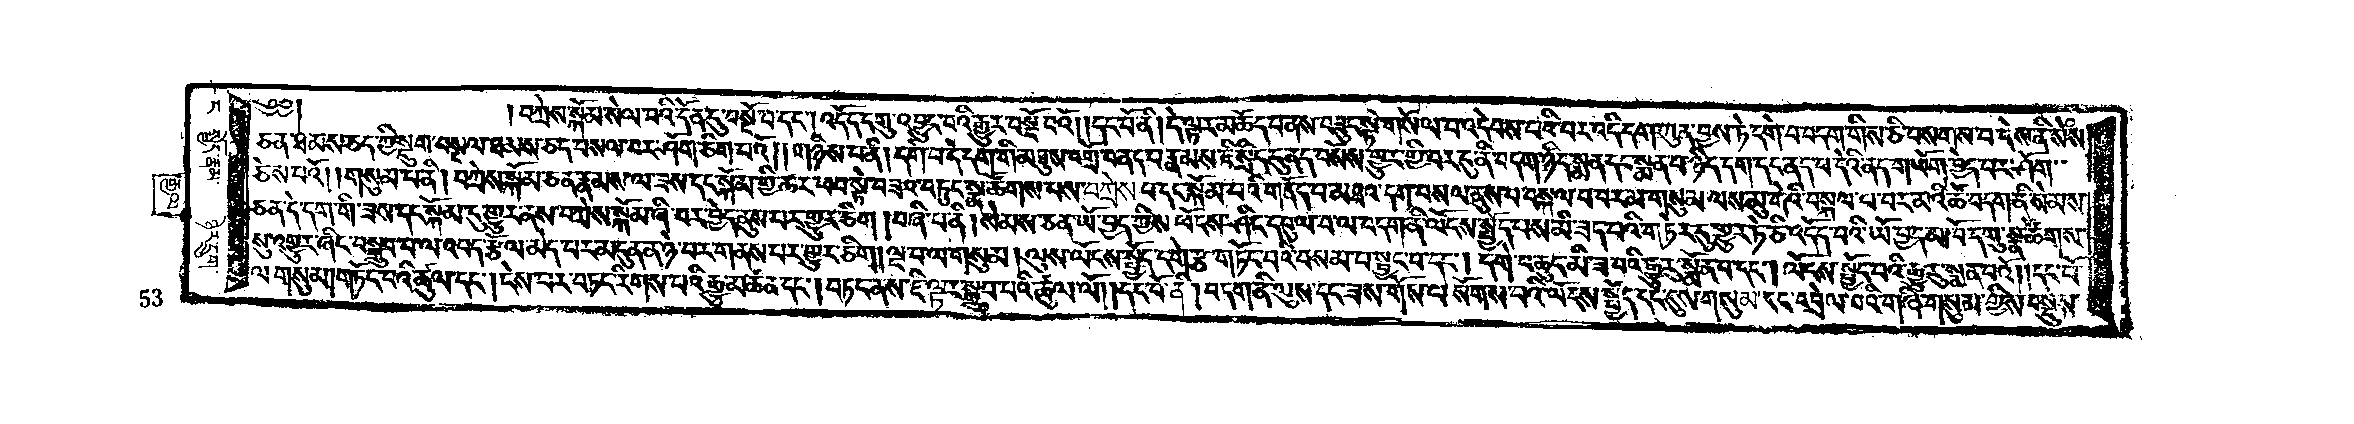༄༅། །བཀྲེས་སྐོམ་སེལ་བའི་དོན་དུ་བསྔོ་བ་དང་། འདོད་དགུ་འབྱུང་བའི་རྒྱུར་བསྔོ་བའོ། །དང་པོ་ནི། དེ་ལྟར་མཆོད་པ་ནས་བཟུང་སྟེ་གསོལ་བ་འདེབས་པའི་བར་འདི་དག་ཀུན་བྱས་ཏེ་དགེ་བ་བདག་གིས་ཅི་བསགས་པ་དེས་ནི་སེམས་
ཅན་ཐམས་ཅད་ཀྱི་སྡུག་བསྔལ་ཐམས་ཅད་བསལ་བར་ཤོག་ཤིག་པའོ། །གཉིས་པ་ནི། དགེ་བ་དེ་དག་གི་མཐུས་འགྲོ་བ་ནད་པ་རྣམས་ཇི་སྲིད་དུ་ནད་བསོས་གྱུར་གྱི་བར་དུ་ནི་བདག་ཉིད་སྨན་དང་སྨན་པ་ཉིད་དག་དང་ནད་པ་དེའི་ནད་གཡོག་བྱེད་པར་ཤོག་
ཅེས་པའོ། །གསུམ་པ་ནི། བཀྲེས་སྐོམ་ཅན་རྣམས་ལ་ཟས་དང་སྐོམ་གྱི་ཆར་ཕབ་སྟེ་བཟའ་བཏུང་སྣ་ཚོགས་པས་བཀྲེས་པ་དང་སྐོམ་པའི་གནོད་པ་མཐའ་དག་བསལ་ནུས་པ་བསྐལ་པ་བར་མ་གསུམ་ལས་མུ་གེའི་བསྐལ་པ་བར་མའི་ཚེ་བདག་ནི་སེམས་
ཅན་དེ་དག་གི་ཟས་དང་སྐོམ་དུ་གྱུར་ནས་བཀྲེས་སྐོམ་ཞི་བར་བྱེད་ནུས་པར་གྱུར་ཅིག །བཞི་པ་ནི། སེམས་ཅན་ཡོ་བྱེད་ཀྱིས་ཕོངས་ཤིང་དབུལ་བ་ལ་བདག་ནི་ལོངས་སྤྱོད་པས་མི་ཟད་པའི་གཏེར་དུ་གྱུར་ཏེ་ཅི་འདོད་པའི་ཡོ་བྱེད་མཁོ་དགུ་སྣ་ཚོགས་
སུ་འགྱུར་ཞིང་བསྒྲུབ་པ་ལ་འབད་རྩོལ་མེད་པར་མདུན་ན་ཉེ་བར་གནས་པར་གྱུར་ཅིག །ལྔ་པ་ལ་གསུམ། ལུས་ཡོངས་སྤྱོད་དགེ་རྩ་གཏོང་བའི་བསམ་པ་སྦྱང་བ་དང་། དགེ་བ་ཆུང་མི་ཟ་བའི་རྒྱུར་སྨོན་པ་དང་། ལོངས་སྤྱོད་པའི་རྒྱུ་རུ་སྨན་པའོ། །དང་པོ་
ལ་གསུམ། གཏོང་བའི་ཚུལ་དང་། ངེས་པར་བཏང་རིགས་པའི་རྒྱུ་མཚན་དང་། བཏང་ནས་ཇི་ལྟར་སྒྲུབ་པའི་ཚུལ་ལོ། །དང་པོ་ནི། བདག་ནི་ལུས་དང་ཟས་གོས་པ་སོགས་པའི་ལོངས་སྤྱོད་དང་དུས་གསུམ་དང་འབྲེལ་པའི་གཞི་གསུམ་གྱིས་བསྡུས་